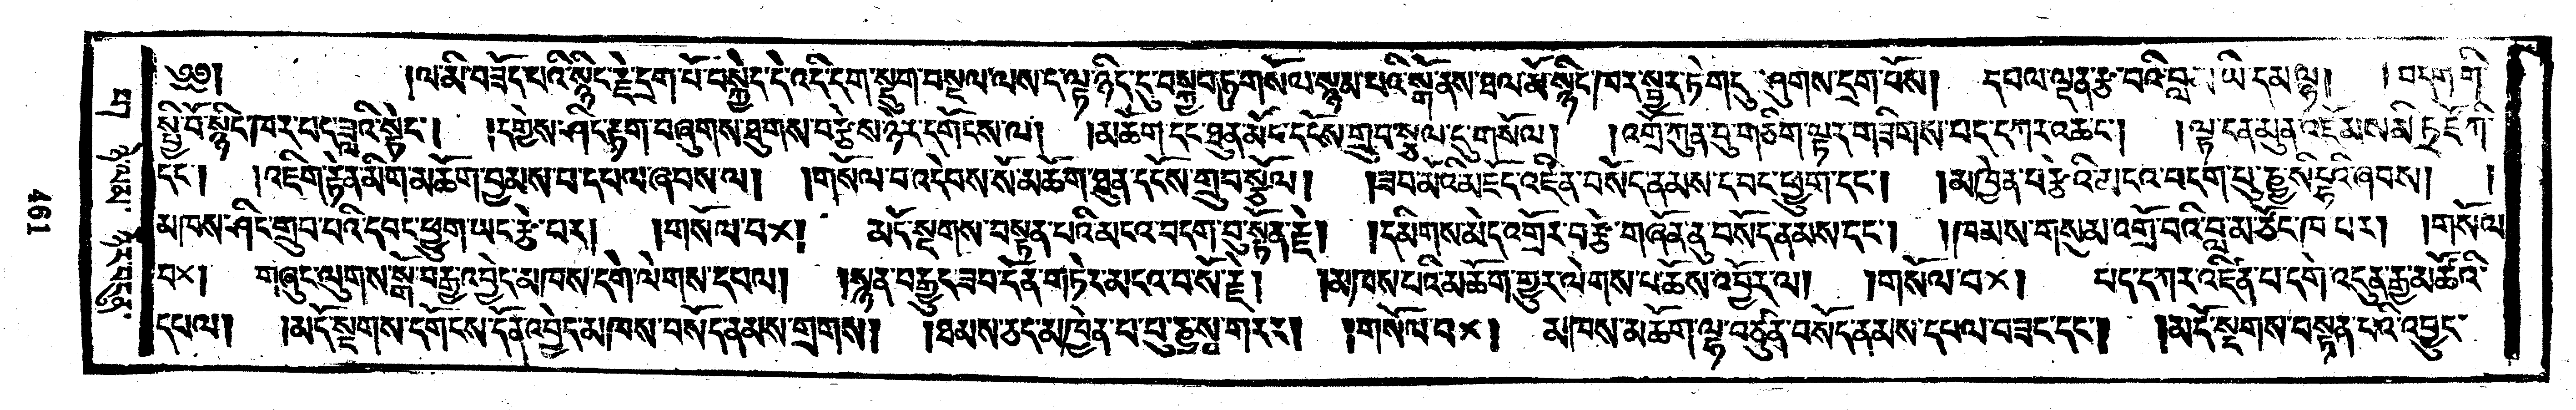༄༅། །ལ་མི་བཟོད་པའི་སྙིང་རྗེ་དྲག་པོ་བསྐྱེད་དེ་འདི་དག་སྡུག་བསྔལ་ལས་ད་ལྟ་ཉིད་དུ་བསྐྱབ་ཏུ་གསོལ་སྙམ་པའི་སྒོ་ནས་ཐལ་མོ་སྙིང་ཁར་སྦྱར་ཏེ་གདུ་ཤུགས་དྲག་པོས། དཔལ་ལྡན་རྩ་བའི་བླ་མ་ཡི་དམ་ལྷ། །བདག་གི་
སྤྱི་བོ་སྙིང་ཁར་བད་ཟླའི་སྟེང་། །དགྱེས་ཤིང་རྟག་བཞུགས་ཐུགས་བརྩེས་ཉེར་དགོངས་ལ། །མཆོག་དང་ཐུན་མོང་དངོས་གྲུབ་སྩལ་དུ་གསོལ། །འགྲོ་ཀུན་བུ་གཅིག་ལྟར་གཟིགས་པད་དཀར་འཆང་། །ལྟ་ངན་མུན་འཇོམས་མི་ཏྲ་ཛོ་ཀྱི་
དང་། །འཇིག་རྟེན་མིག་མཆོག་བྱམས་པ་དཔལ་ཞབས་ལ། །གསོལ་བ་འདེབས་སོ་མཆོག་ཐུན་དངོས་གྲུབ་སྩོལ། །ཟབ་མོའི་མཛོད་འཛིན་བསོད་ནམས་དབང་ཕྱུག་དང་། །མཁྱེན་བརྩེའི་མངའ་བདག་པུ་ཎྱ་སིདྷིའི་ཞབས། །
མཁས་ཤིང་གྲུབ་པའི་དབང་ཕྱུག་ཡང་རྩེ་པར། །གསོལ་བ་྾། མདོ་སྔགས་བསྟན་པའི་མངའ་བདག་བུ་སྟོན་རྗེ། །དམིགས་མེད་འགྲོར་བརྩེ་གཞོན་ནུ་བསོད་ནམས་དང་། །ཁམས་གསུམ་འགྲོ་བའི་བླ་མ་ཙོང་ཁ་པར། །གསོལ་
བ་྾། གཞུང་ལུགས་སྒོ་བརྒྱ་འབྱེད་མཁས་དགེ་ལེགས་དཔལ། །སྙན་བརྒྱུད་ཟབ་དོན་གཏེར་མངའ་བ་སོ་རྗེ། །མཁས་པའི་མཆོག་གྱུར་ལེགས་པ་ཆོས་འབྱོར་ལ། །གསོལ་བ་྾། པད་དཀར་འཛིན་པ་དགེ་འདུན་རྒྱ་མཚོའི་
དཔལ། །མདོ་སྔགས་དགོངས་དོན་འབྱེད་མཁས་བསོད་ནམས་གྲགས། །ཐམས་ཅད་མཁྱེན་པ་པུ་ཎྱ་སཱ་གར་ར། །གསོལ་བ་྾། མཁས་མཆོག་ལྷ་བཙུན་བསོད་ནམས་དཔལ་བཟང་དང་། །མདོ་སྔགས་བསྟན་པའི་འབྱུང་